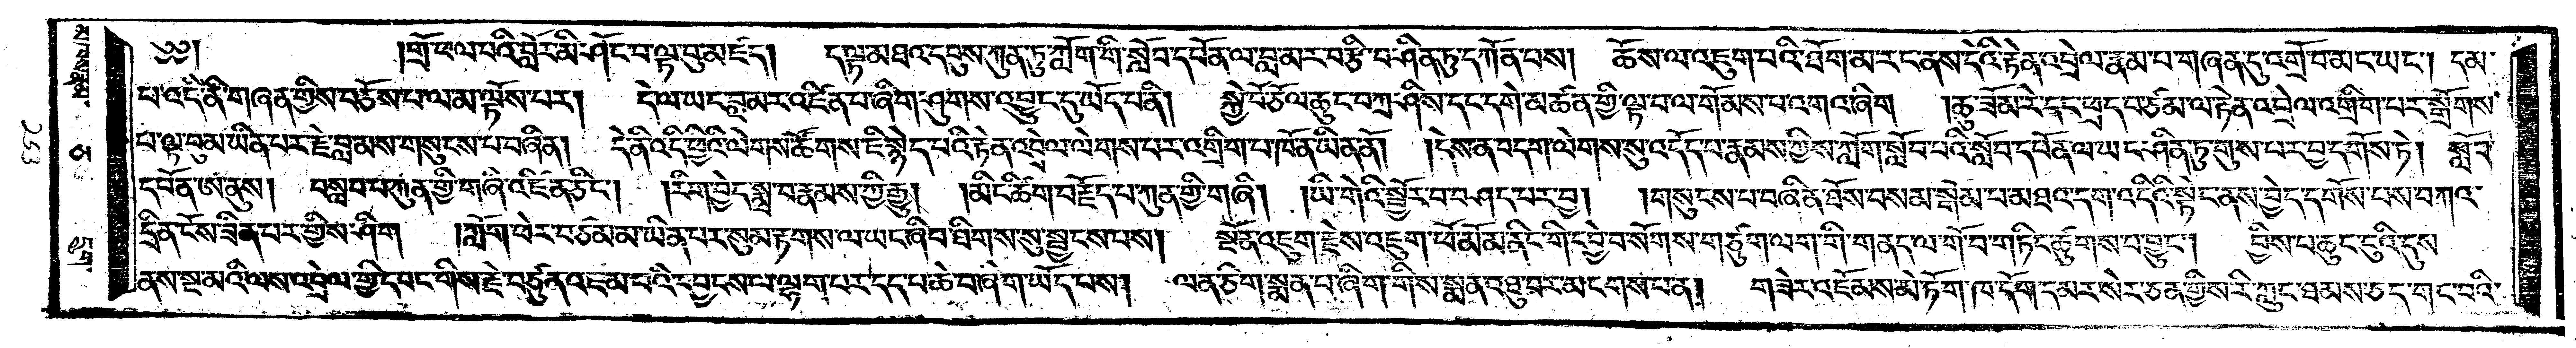༄༅། །གྲོ་ཕལ་པའི་བློར་མི་ཤོང་བ་ལྟ་བུ་མཛད། ད་ལྟ་མཐའ་དབུས་ཀུན་ཏུ་ཀློག་གི་སློབ་དཔོན་ལ་བླ་མར་བརྩི་བ་ཤིན་ཏུ་དཀོན་པས། ཆོས་ལ་འཇུག་པའི་ཐོག་མ་རང་ནས་དེའི་རྟེན་འབྲེལ་རྣམ་པ་གཞན་དུ་འགྲོ་བ་མང་ཡང་། དམ་
པ་འདི་ནི་གཞན་གྱིས་བཅོས་པ་ལ་མ་ལྟོས་པར། དེ་ལ་ཡང་བླ་མར་འཛིན་པ་ཞིག་ཤུགས་འབྱུང་དུ་ཡོད་པ་ནི། སྐྱེ་བོ་ཅོལ་ཆུང་བཀྲ་ཤིས་དང་དགེ་མཚན་གྱི་ལྟ་བ་ལ་གོམས་པ་འགའ་ཞིག །ཆུ་ཟོམ་རེ་དང་ཕྲད་བཙམ་ལ་རྟེན་འབྲེལ་འགྲིག་པར་སྒྲོགས་
པ་ལྟ་བུམ་ཡིན་པར་རྗེ་བླ་མས་གསུངས་པ་བཞིན། དེ་ནི་འདི་ཕྱིའི་ལེགས་ཚོགས་ཇི་སྙེད་པའི་རྟེན་འབྲེལ་ལེགས་པར་འགྲིགས་པ་ཁོ་ན་ཡིན་ནོ། །དེས་ན་བདག་ལེགས་སུ་འདོད་པ་རྣམས་ཀྱིས་ཀློག་སློབ་པའི་སློབ་དཔོན་ལ་ཡང་ཤིན་ཏུ་གུས་པར་བྱ་དགོས་ཏེ། སློབ་
དཔོན་ཨ་ནུས། བསླབ་པ་ཀུན་གྱི་གཞི་འཛིན་ཅིང་། །རིག་བྱེད་སྨྲ་བ་རྣམས་ཀྱི་རྒྱུ། །མིང་ཚིག་བརྗོད་པ་ཀུན་གྱི་གཞི། །ཡི་གེའི་སྦྱོར་བ་བཤད་པར་བྱ། །གསུངས་པ་བཞིན་ཐོས་བསམ་སྒོམ་པ་མཐའ་དག་འདིའི་སྟེང་ནས་བྱེད་དགོས་པས་བཀའ་
དྲིན་ངོས་ཟིན་པར་གྱིས་ཤིག །ཀློག་ཕེར་བ་ཙམ་མ་ཡིན་པར་སུམ་རྟགས་ལ་ཡང་ཞིབ་ཐིགས་སུ་སྦྱངས་པས། སྔོན་འཇུག་རྗེས་འཇུག་ཕོ་མོ་མ་ནིང་གི་དབྱེ་བ་སོགས་གཙུག་ལག་གི་གནད་ལ་གོ་བ་གཏིང་ཚུགས་བ་བྱུང་། བྱིས་པ་ཆུང་ངུའི་དུས་
ནས་སྔ་མའི་ལས་འབྲེལ་གྱི་དབང་གིས་རྗེ་བཙུན་འཇམ་པའི་དབྱངས་ལ་ལྷག་པར་དད་པ་ཆེ་བ་ཞིག་ཡོད་པས། ལན་ཅིག་སྨན་པ་ཞིག་གིས་སྨན་འཐུ་བར་མངགས་པ་ན། གཟེར་འཇོམས་མེ་ཏོག་ཁ་དོག་དམར་སེར་ཅན་གྱིས་རི་ཀླུང་ཐམས་ཅད་གང་བའི་